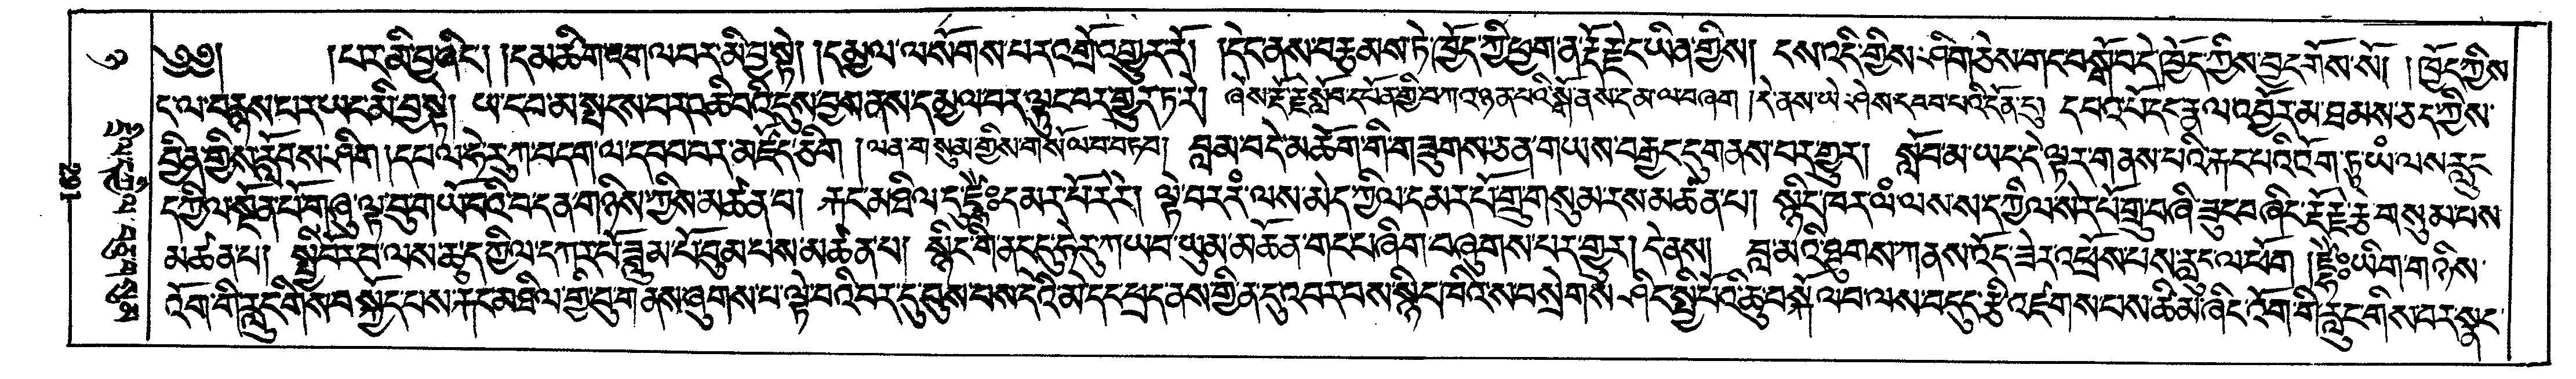༄༅། །པར་མི་བྱ་ཞིང་། །དམ་ཚིག་འགལ་བར་མི་བྱ་སྟེ། །དམྱལ་ལ་སོགས་པར་འགྲོ་འགྱུར་རོ། །དེང་ནས་བརྩམས་ཏེ་ཁྱོད་ཀྱི་ཕྱག་ན་རྡོ་རྗེ་ང་ཡིན་གྱིས། དས་འདི་གྱིས་ཤིག་ཅེས་གང་བསྒོ་བ་དེ་ཁྱོད་ཀྱིས་བྱ་དགོས་སོ། །ཁྱོད་ཀྱིས་
ང་ལ་བརྙས་པར་ཡང་མི་བྱ་སྟེ། ཡང་བམ་སྤངས་པར་འཆི་བའི་དུས་བྱས་ནས་དམྱལ་བར་ལྟུང་བར་གྱུར་ཏ་རེ། ཞེས་རྡོ་རྗེ་སློབ་དཔོན་གྱི་བཀའ་ཉན་བའི་སྒོ་ནས་དམལ་བཞག །དེ་ནས་ཡེ་ཤེས་དབབ་པའི་དོན་དུ། དཔའ་བོ་དང་རྣལ་འབྱོར་མ་ཐམས་ཅད་ཀྱིས་
བྱིན་གྱིས་རློབས་ཤིག། དཔལ་ཧེ་རུ་ཀ་བདག་ལ་དབབ་པར་མཛོད་ཅིག །ལན་གསུམ་གྱིས་གསོལ་བ་བཏབ། བླ་མ་བདེ་མཆོག་གི་གཟུགས་ཅན་གཡས་བརྐྱང་དུ་གནས་པར་གྱུར། སློབ་མ་ཡང་དེ་ལྟར་གནས་པའི་རྐང་པའི་འོག་ཏུ་ཡཾ་ལས་རླུང་
དཀྱིལ་སྔོན་པོ་གཞུ་ལྟ་བུ་གཡོ་བའི་བ་དན་གཉིས་ཀྱིས་མཚན་པ། རྐང་མཐིལ་དུ་ཛྷཻཿ དམར་པོ་རེ་རེ། ལྟེ་བར་རཾ་ལས་མེ་དཀྱིལ་དམར་པོ་གྲུ་གསུམ་རས་མཚན་པ། སྙིང་ཁར་ལཾ་ལས་ས་དཀྱིལ་སེར་པོ་གྲུ་བཞི་ཟུར་བཞིར་རྡོ་རྗེ་རྩེ་གསུམ་པས་
མཚན་པ། སྤྱི་བོར་བཾ་ལས་ཆུ་དཀྱིལ་དཀར་པོ་ཟླུམ་པོ་བུམ་པས་མཚན་པ། སྙིང་གི་གནང་དུ་ཧེ་རུ་ཀ་ཡབ་ཡུམ་མཚོན་གང་པ་ཞིག་བཞུགས་པར་གྱུར། དེ་ནས། བླ་མའི་ཐུགས་ཀ་ནས་འོད་ཟེར་འཕྲོས་པས་རླུང་ལ་ཕོག །ཛཻཧཿཡིག་གཉིས་
འོག་གི་རླུང་གིས་བསྐྱོད་པས་རྐང་མཐིལ་གྱི་བུ་གནས་ཞུགས་པ་ལྟེ་བའི་བར་དུ་བུས་པས་དེའི་མེ་དང་ཕྲད་ནས་གྱེན་དུ་འབར་བས་སྙིང་ཁའི་ས་བསྲེགས་ཤིང་སྤྱི་བོའི་ཆུ་བསྐོལ་བ་ལས་བདུད་རྩི་འཛགས་པས་ཚིམ་ཞིང་འོག་གི་རླུང་གིས་བར་སྣང་